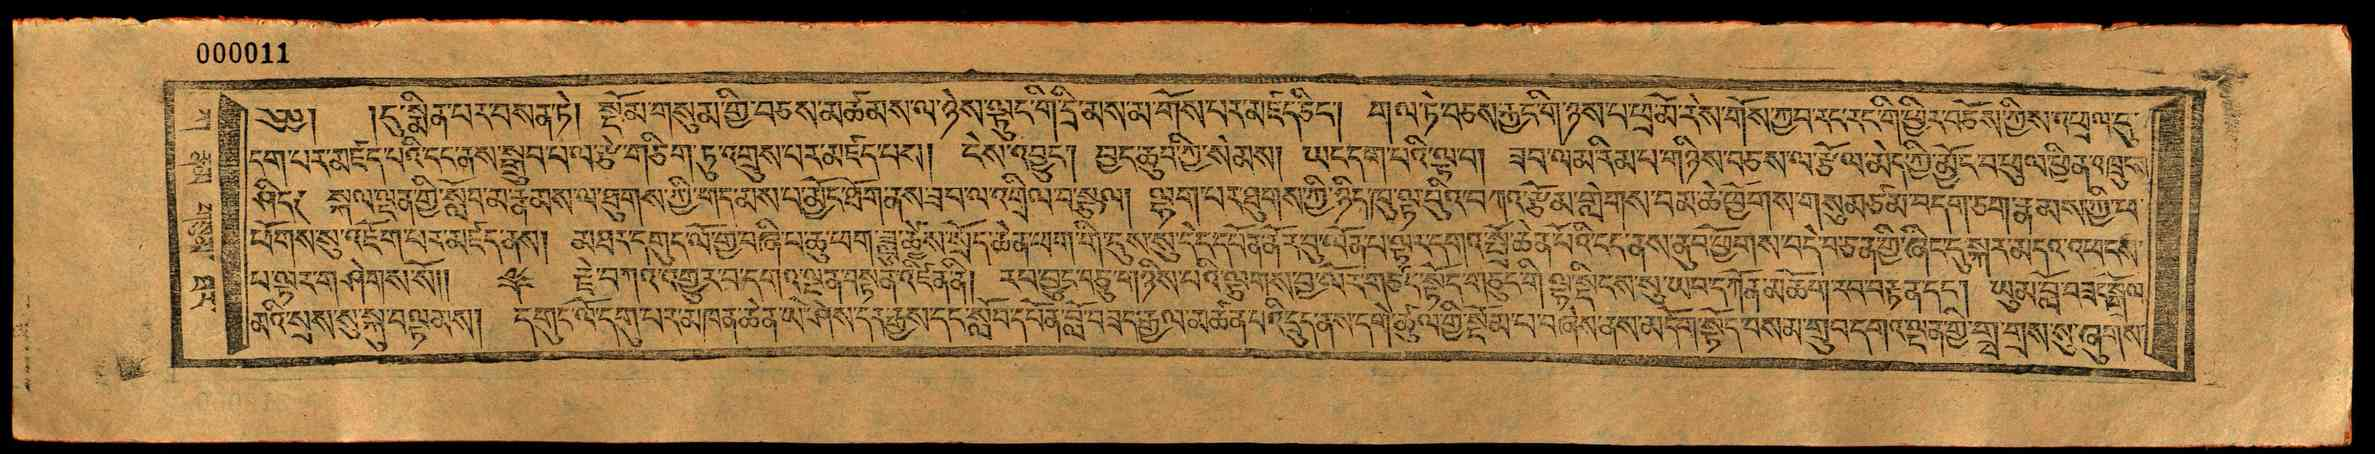༄༅། །དུ་སྨིན་པར་བསན་ཏེ། སྡོམ་གསུམ་གྱི་བཅས་མཚམས་ལ་ཉེས་ལྟུང་གི་དྲི་མས་མ་གོས་པར་མཛད་ཅིང་། གལ་ཏེ་བཅས་རྐྱང་གི་ཉེས་པ་ཕྲ་མོ་རེས་གོས་ཀྱང་རང་རང་གི་ཕྱིར་བཅོས་ཀྱིས་འཕྲལ་དུ་
དག་པར་མཛད་པའི་ངང་ནས་སྒྲུབ་པ་ལ་རྩེ་གཅིག་ཏུ་འགྲུས་པར་མཛད་པས། ངེས་འབྱུང་། བྱང་ཆུབ་ཀྱི་སེམས། ཡང་དག་པའི་ལྟ་བ། ཟབ་ལམ་རིམ་པ་གཉིས་བཅས་ལ་རྩོལ་མེད་ཀྱི་མྱོང་བ་ཕུལ་ཕྱིན་འཁྲུངས་
ཤིང་། སྐལ་ལྡན་གྱི་སློབ་མ་རྣམས་ལ་ཐུགས་ཀྱི་གདམས་པ་མྱོང་ཐོག་ནས་ཟབ་ལ་འགྲིལ་བསྩལ། ལྷག་པར་ཐུགས་ཀྱི་ཉིང་ཁུ་ལྟ་བུའི་བཀའ་རྩོམ་གླེགས་བམ་ཆེ་ཕྱོགས་གསུམ་ཙམ་བདག་ཅག་རྣམས་ཀྱི་ཕ་
ཕོགས་སུ་འཇོག་པར་མཛད་ནས། མཐར་དགུང་ལོ་གྱི་བཞི་པ་ཆུ་ཕག་ཟླ ༦་ཚེས ༤་སྲོད་ཆེན་ཕག་གི་དུས་སུ་དེད་དཔོན་ནོར་བུ་ལོན་པ་ལྟར་དགའ་སྤྲོ་ཆེན་པོའི་ངང་ནས་ནུབ་ཕྱོགས་བདེ་བ་ཅན་གྱི་ཞིང་དུ་སྐར་མདའ་འཕངས་
པ་ལྟར་གཤེགས་སོ།། ༈ རྗེ་བཀའ་འགྱུར་བ་དགའ་ལྡན་བསྟན་འཛིན་ནི། རབ་བྱུང་བཅུ་གཉིས་པའི་ལྕགས་བྱ་ལོར་གཙང་སྟོད་གཅུང་གི་ལྷ་སྡིངས་སུ་ཡབ་དཀོན་མཆོག་རབ་བརྟན་དང་། ཡུམ་བློ་བཟང་སྒྲོལ་
མའི་སྲས་སུ་སྐུ་བལྟམས། དགུང་ལོ་དགུ་པར་མཁན་ཆེན་ཡེ་ཤེས་དར་རྒྱས་དང་སློབ་དཔོན་བློ་བཟང་རྒྱལ་མཚན་པའི་དྲུང་ནས་དགེ་ཚུལ་གྱི་སྡོམ་པ་བཞེས་ནས་མདོག་སྟོད་བསམ་གྲུབ་དགའ་ལྡན་གྱི་གྲྭ་གྲས་སུ་ཞུགས་